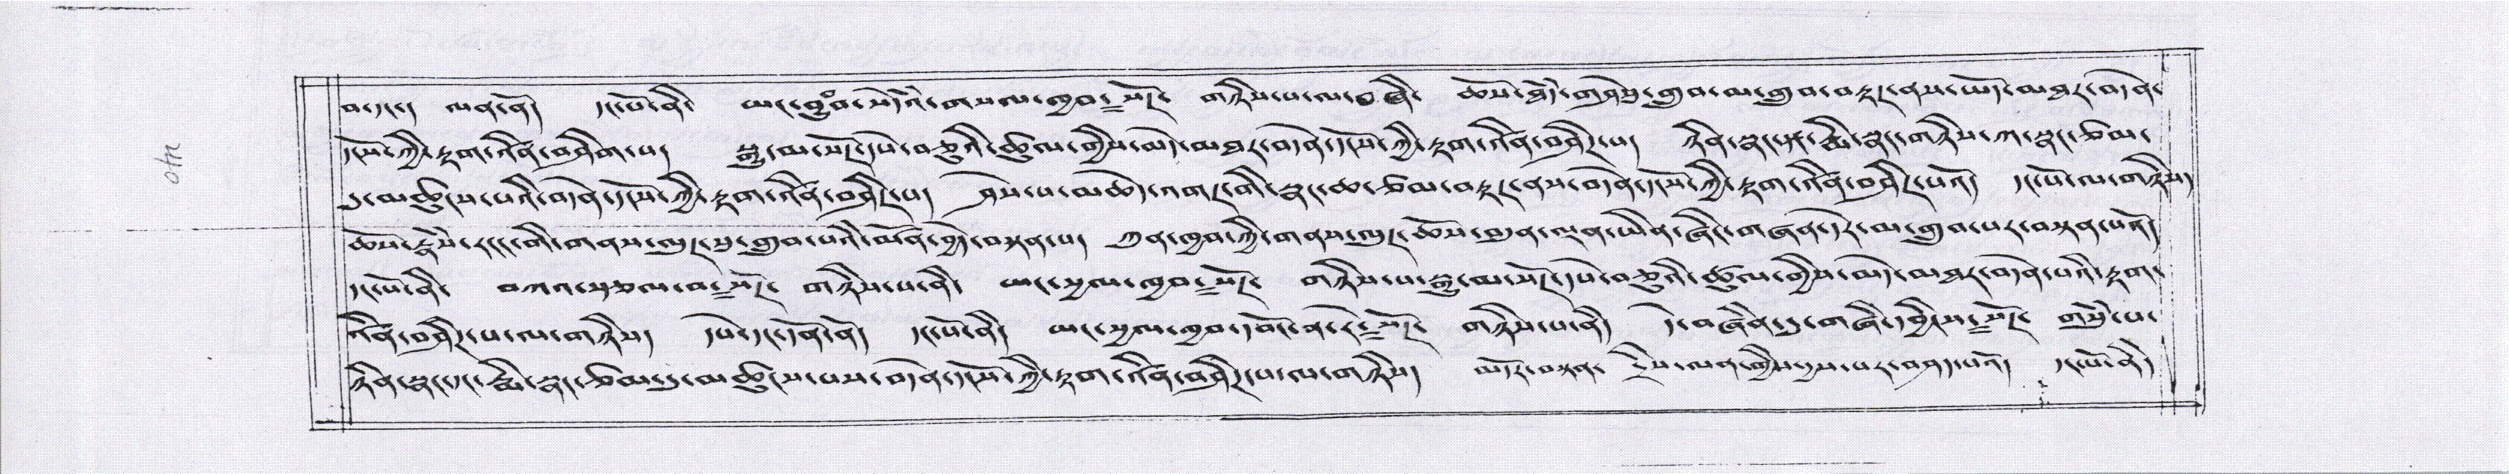བ་དང། ལན་ནོ། དང་པོ་ནི། ཡང་བྱང་ཆུབ་སེམས་དཔའ་གསལ་ཁྱབ་་་་སོགས། གཉིས་པ་ལ་བཞི། ཆོས་ཐམས་ཅད་གཤེགས་སུ་གྲུབ་མ་གྲུབ་བརྟགས་ནས་ཡོད་མཐར་བདེན་
དངོས་ཀྱི་རྟག་འཛིན་བཤིག་པ། སྒྱུ་མ་སོགས་དཔེ་བཅུའི་ཚུལ་གྱིས་མེད་མཐར་བདེན་དངོས་ཀྱི་རྟག་འཛིན་བཤིགས་པ། ཉིན་སྣང་དང་རྨི་སྣང་གཉིས་ཀ་སྣང་ཙམ་
དུ་མཚུགས་པའི་བདེན་དངོས་ཀྱི་རྟག་འཛིན་བཤིགས་པ། ཤེས་པ་མཆེད་འགགས་གི་སྣང་ཆ་ཙམ་བརྟགས་ནས་བདེན་དངོས་ཀྱི་རྟག་འཛིན་བཤིགས་པའོ། དང་པོ་ལ་གཉིས། 
ཆོས་རྣམས་རང་རང་གི་གནས་ལུགས་སུ་གྲུབ་པའི་མཚོན་བྱེད་བསྟན་པ། ཀུན་ཁྱབ་གྱི་གནས་ལུགས་ཆོས་བདུན་ལྡན་ཡིན་ཞིང་གཞན་དེར་མ་གྲུབ་པར་བསྟན་པའོ། 
དང་པོ་ནི། བཀའ་སྩལ་བ་་་་སོགས། གཉིས་པ་ནི། ཡང་གསལ་ཁྱབ་་་་སོགས། གཉིས་པ་སྒྱུ་མ་སོགས་དཔེ་བཅུའི་ཚུལ་གྱིས་མེད་མཐར་བདེན་པའི་རྟག་
འཛིན་བཤིགས་པ་ལ་གཉིས། དཔེ་དང་དོན་ནི། དང་པོ་ནི། ཡང་གསལ་ཁྱབ་དབང་པོ་ན་རེ་་་་སོགས། གཉིས་པ་ནི། དེ་བཞིན་དུ་གཞི་དབྱིངས་་་་སོགས། གསུམ་པ་
ཉིན་སྣང་དང་རྨི་སྣང་ཙམ་དུ་མཚུངས་པས་བདེན་དངོས་ཀྱི་རྟག་འཛིན་བཤིགས་པ་ལ་གཉིས། མདོར་བསྟན། དྲིས་ལན་གྱིས་རྒྱས་པར་བཤད་པའོ། དང་པོ་ནི།